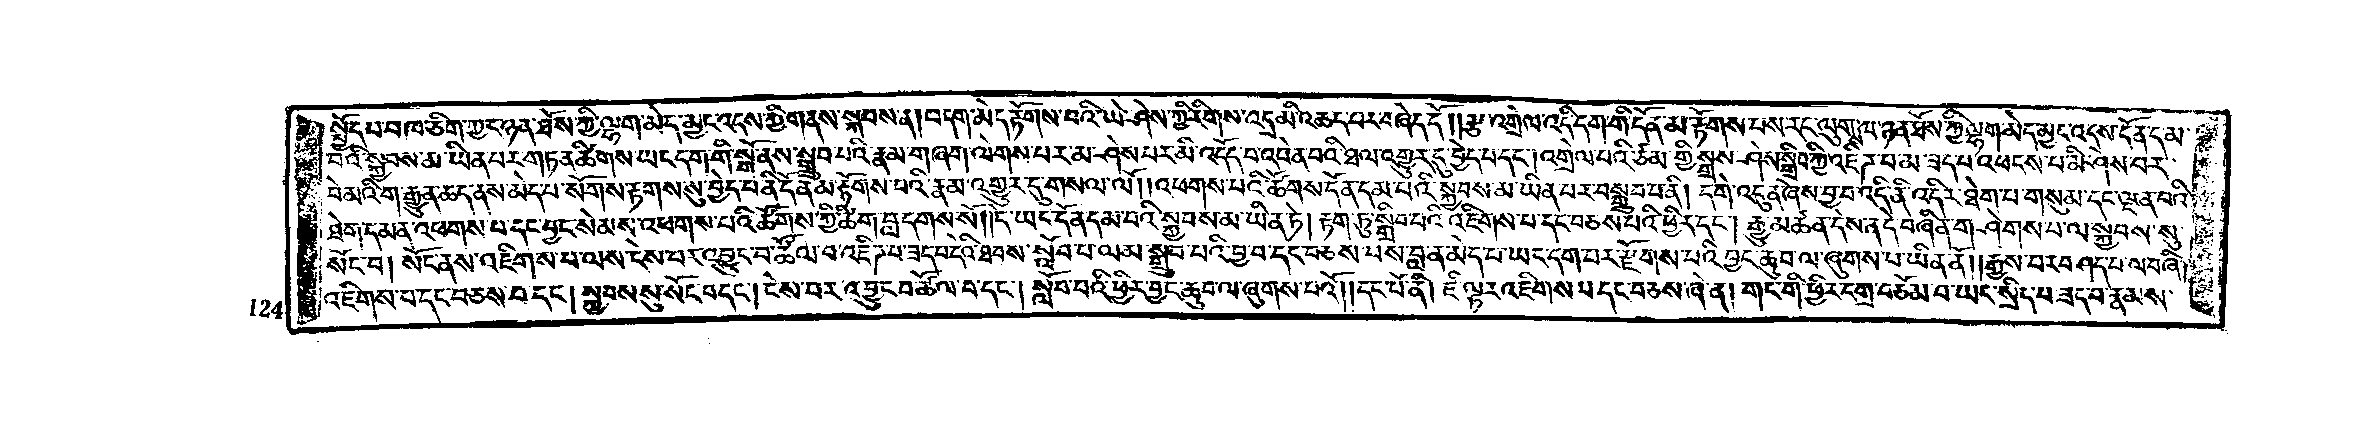སྤྱོད་པ་བ་ཁ་ཅིག་ཀྱང་ཉན་ཐོས་ཀྱི་ལྷག་མེད་མྱང་འདས་ཀྱི་གནས་སྐབས་ན། བདག་མེད་རྟོགས་པའི་ཡེ་ཤེས་ཀྱི་རིགས་འདྲ་མི་འཆད་པར་བཞེད་དོ། །རྩ་འགྲེལ་འདི་དག་གི་དོན་མ་རྟོགས་པས་རང་ལུགས་ལ་ཉན་ཐོས་ཀྱི་ལྷག་མེད་མྱང་འདས་དོན་དམ་
པའི་སྐྱབས་མ་ཡིན་པར་གཏན་ཚིགས་ཡང་དག་གི་སྒོ་ནས་སྒྲུབ་པའི་རྣམ་གཞག་ལེགས་པར་མ་ཤེས་པར་མི་འདོད་པ་འབེན་པའི་ཐལ་འགྱུར་དུ་བྱེད་པ་དང་། འགྲེལ་པའི་ཙམ་གྱི་སྒྲས་ཤེས་སྒྲིབ་ཀྱི་འཇིགས་པ་མ་ཟད་པ་འཕངས་པ་མི་ཤེས་པར་
བེ་མའི་ག་རྒྱུན་ཆད་ནས་མེད་པ་སོགས་རྟགས་སུ་བྱེད་པ་ནི་དོན་མ་རྟོགས་པའི་རྣམ་འགྱུར་དུ་གསལ་ལོ། །འཕགས་པའི་ཚོགས་དོན་དམ་པའི་སྐྱབས་མ་ཡིན་པར་བསྒྲུབ་པ་ནི། དགེ་འདུན་ཞེས་བྱ་བ་འདི་ནི་འདིར་ཐེག་པ་གསུམ་དང་ལྡན་པའི་
ཐེག་དམན་འཕགས་པ་དང་བྱང་སེམས་འཕགས་པའི་ཚོགས་ཀྱི་ཚིག་བླ་དགས་སོ། །དེ་ཡང་དོན་དམ་པའི་སྐྱབས་མ་ཡིན་ཏེ། རྟག་ཏུ་སྒྲིབ་པའི་འཇིགས་པ་དང་བཅས་པའི་ཕྱིར་དང་། རྒྱུ་མཚན་དེས་ན་དེ་བཞིན་གཤེགས་པ་ལ་སྐྱབས་སུ་
སོང་བ། སོང་ནས་འཇིགས་པ་ལས་ངེས་པར་འབྱུང་བ་ཚོལ་བ་འཇིགས་པས་ཟད་པ་དེའི་ཐབས་སློབ་པ་ལམ་སྒྲུབ་པའི་བྱ་བ་དང་བཅས་པས་བླ་ན་མེད་པ་ཡང་དག་པར་རྫོགས་པའི་བྱང་ཆུབ་ལ་ཞུགས་པ་ཡིན་ནོ། །རྒྱས་པར་བཤད་པ་ལ་བཞི།
འཇིགས་པ་དང་བཅས་པ་དང་། སྐྱབས་སུ་སོང་བ་དང་། ངེས་པར་འབྱུང་བ་ཚོལ་བ་དང་། སློབ་པའི་ཕྱིར་བྱང་ཆུབ་ལ་ཞུགས་པའོ། །དང་པོ་ནི། ཇི་ལྟར་འཇིགས་པ་དང་བཅས་ཞེ་ན། གང་གི་ཕྱིར་དགྲ་བཅོམ་པ་ཡང་སྲིད་པ་ཟད་པ་རྣམས་